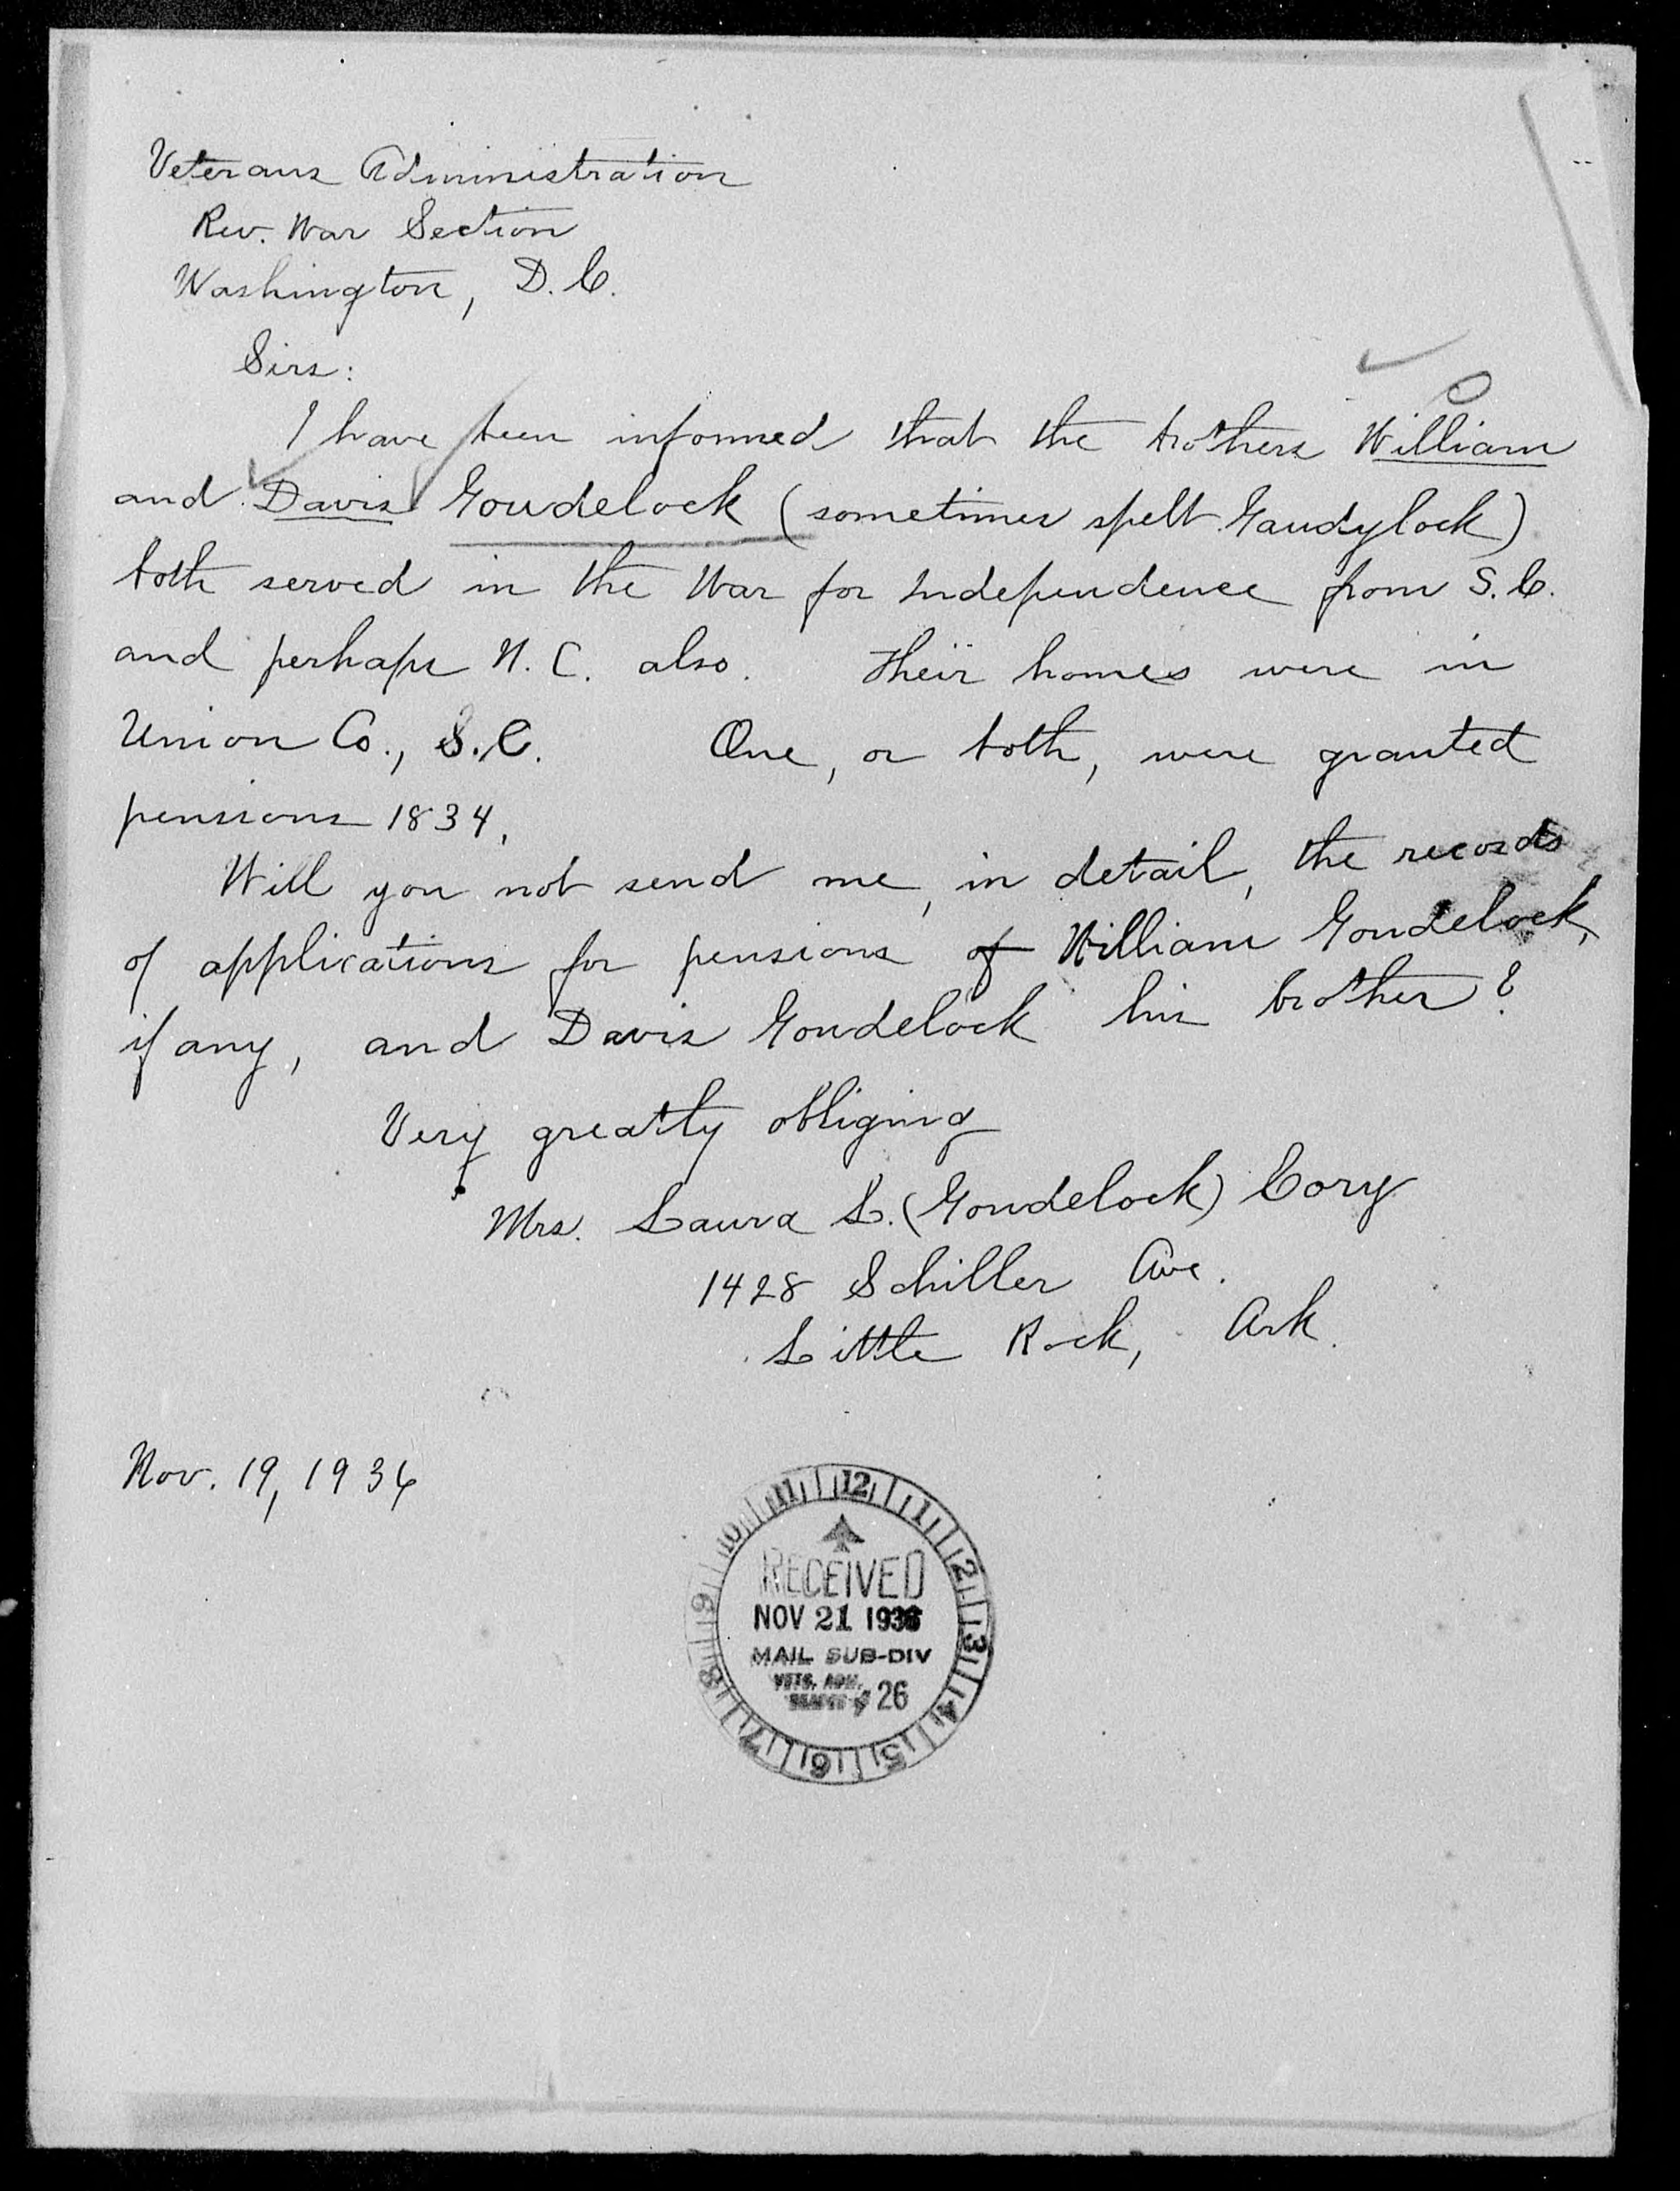Veterans Administration
Rev. War Section
Washington, D. C.
Sirs:
I have been informed that the brothers William and Davis Goudelock (sometimes spelt Gaudylock) both served in the War for Independence from S.C. and perhaps N.C. also.
Their homes were in Union Co., S.C.  One, or both, were granted pensions 1834.
Will you not send me in detail, the records of application for pensions of William Goudelock, if any, and Davis Goudelock his brother?
Very greatly obliging
Mrs. Laura S. (Goudelock) Cory
1428 Schiller Ave.
Little Rock, Ark.
Nov. 19, 1936

RECEIVED
NOV 21 1936
MAIL SUB-DIV
VETS. ADM. READER #26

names: Laura L Goudelock, William Goudelock, William Goudelock, Davis Goudelock, Goudylock, Laura L Cory, Davis Goudelock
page: 11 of 18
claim: survivor's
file: S. 21,236, Davis Goudelock, S.C.